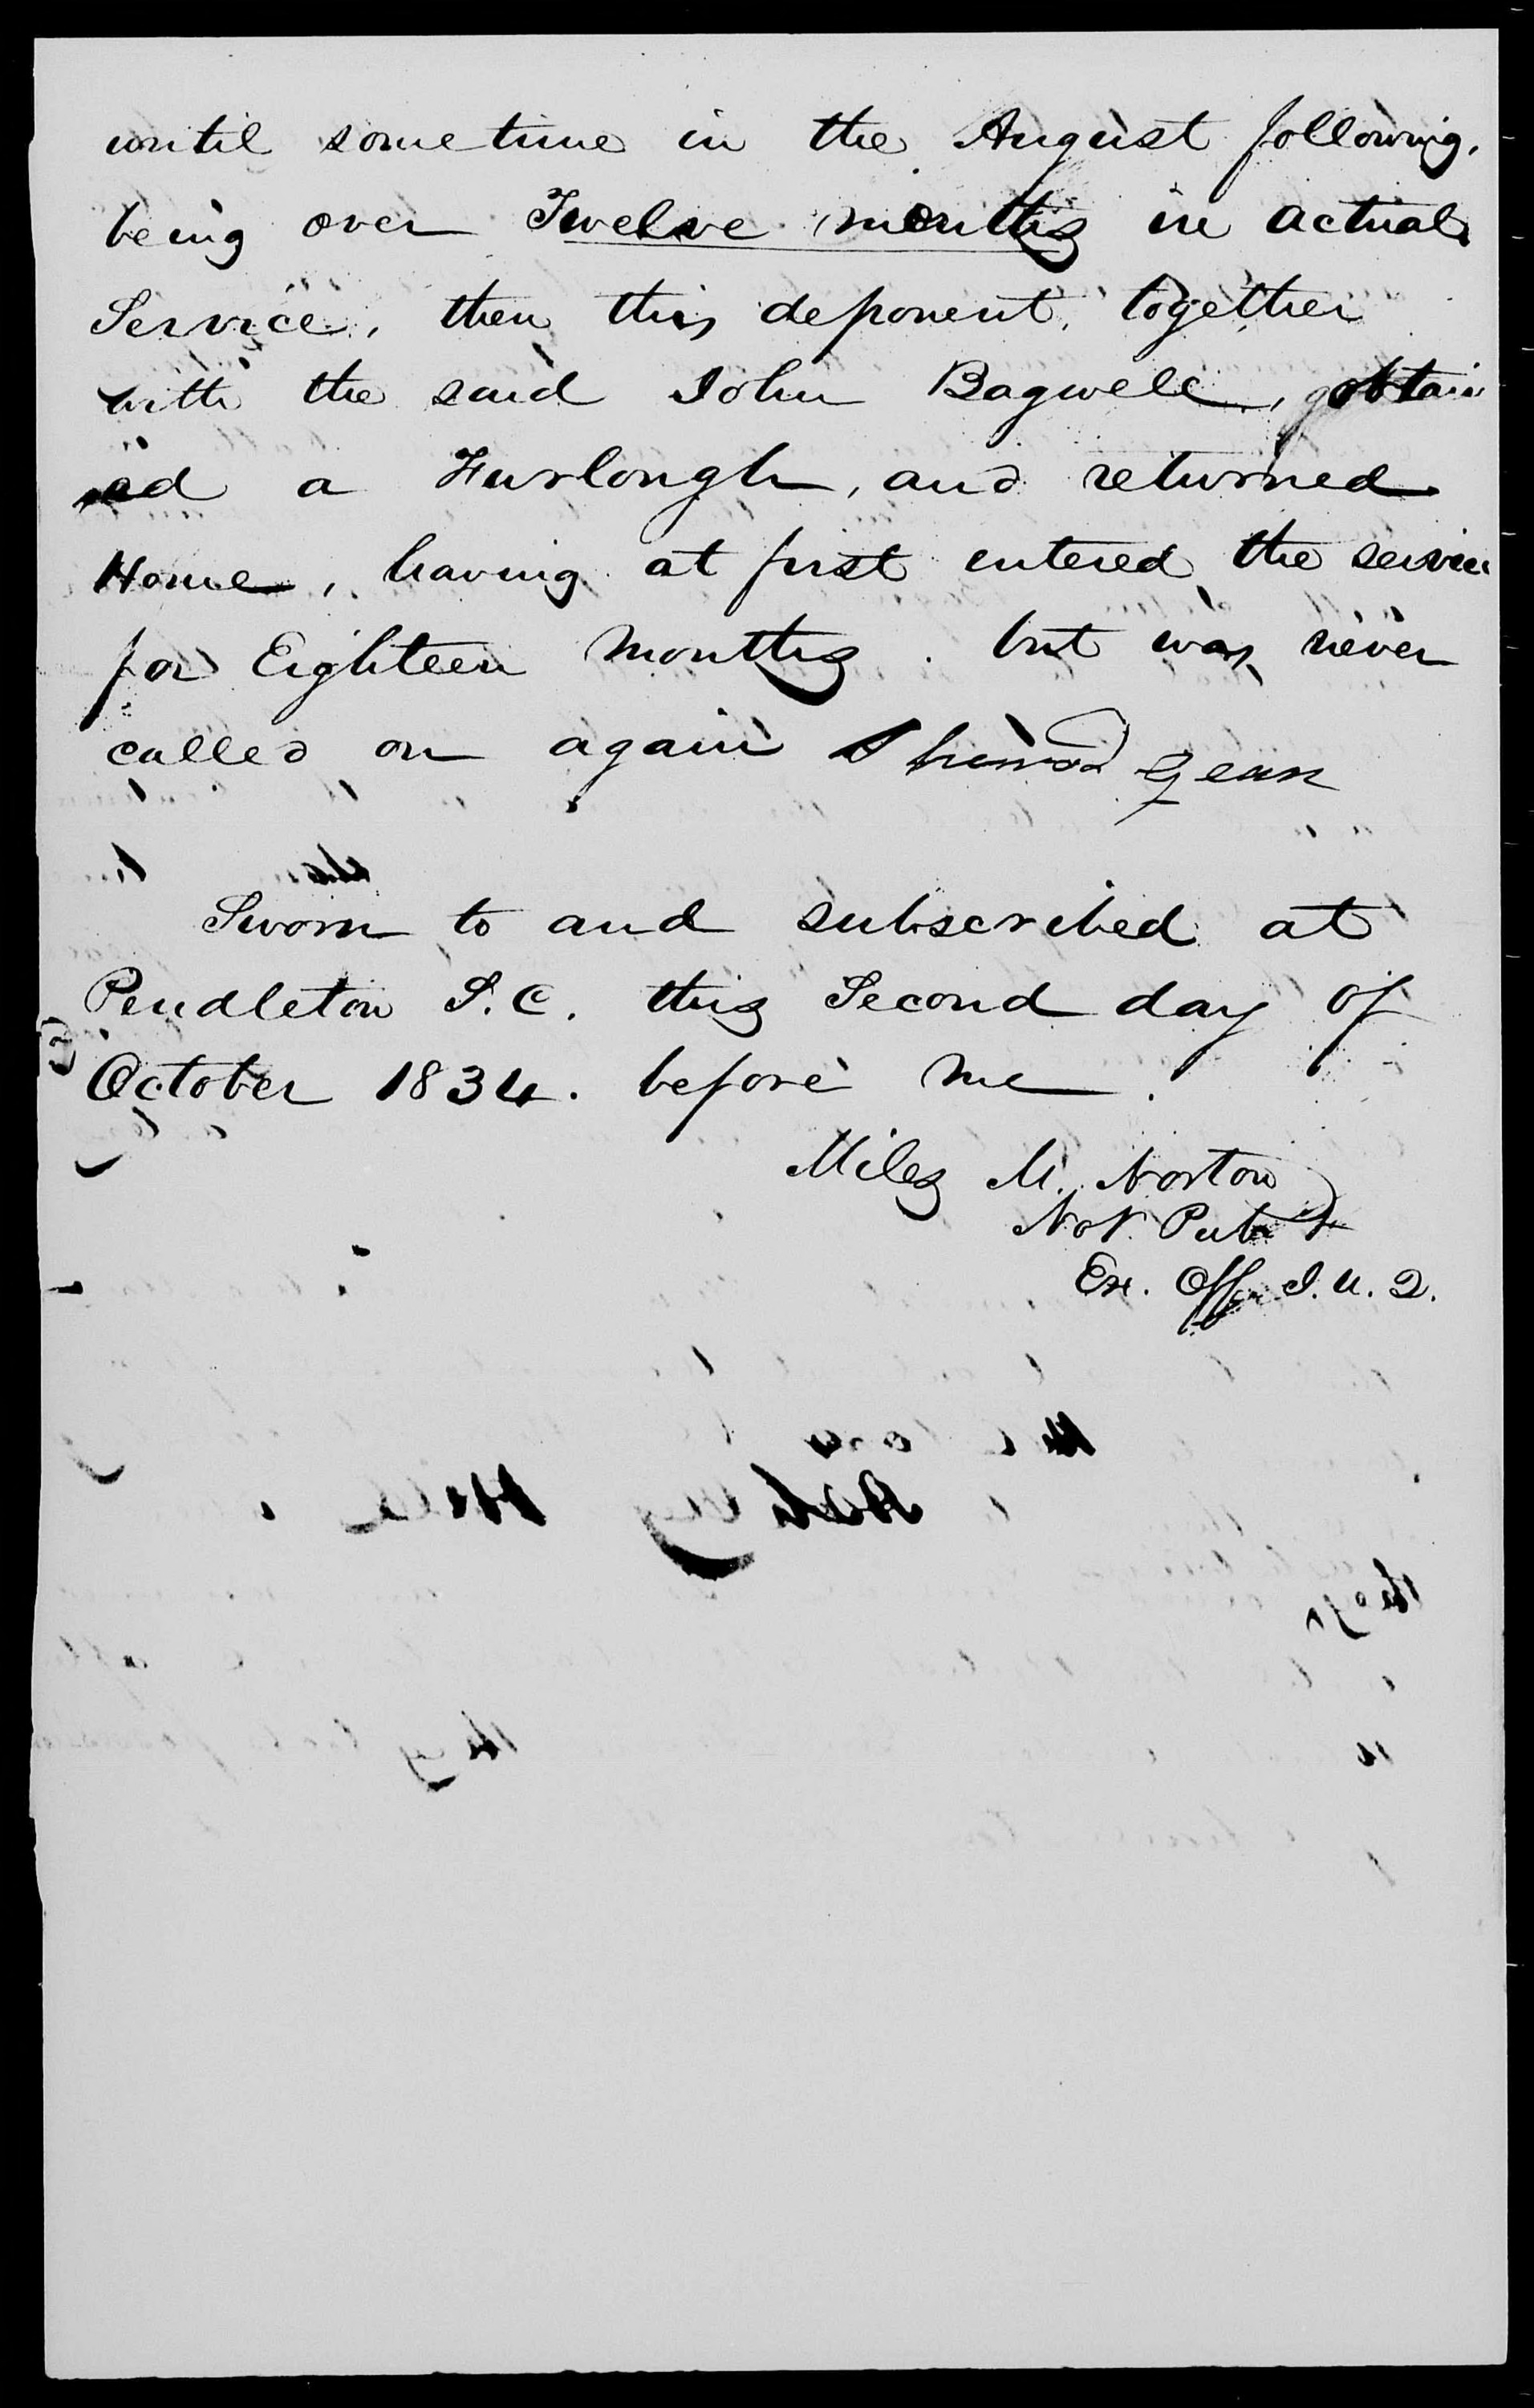until some time in the August following
being
over
Twelve months in actual
service, then this deponent. together
with the said John

Bagwell, obtained a
Furlough, and returned
Home, having at first entered the service
for Eighteen

months
but was never
called
On
again Sherrard Gean
Sworn
to and
subscribed
at
Pendleton S.C. this Second day of
October 1834 before me
.

Miles M. Norton
Not. Pub
Ex. Off. M.D.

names: Miles M Norton, John Bagwell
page: 17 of 36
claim: survivor's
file: S 6571, John Bagwell, N.C.